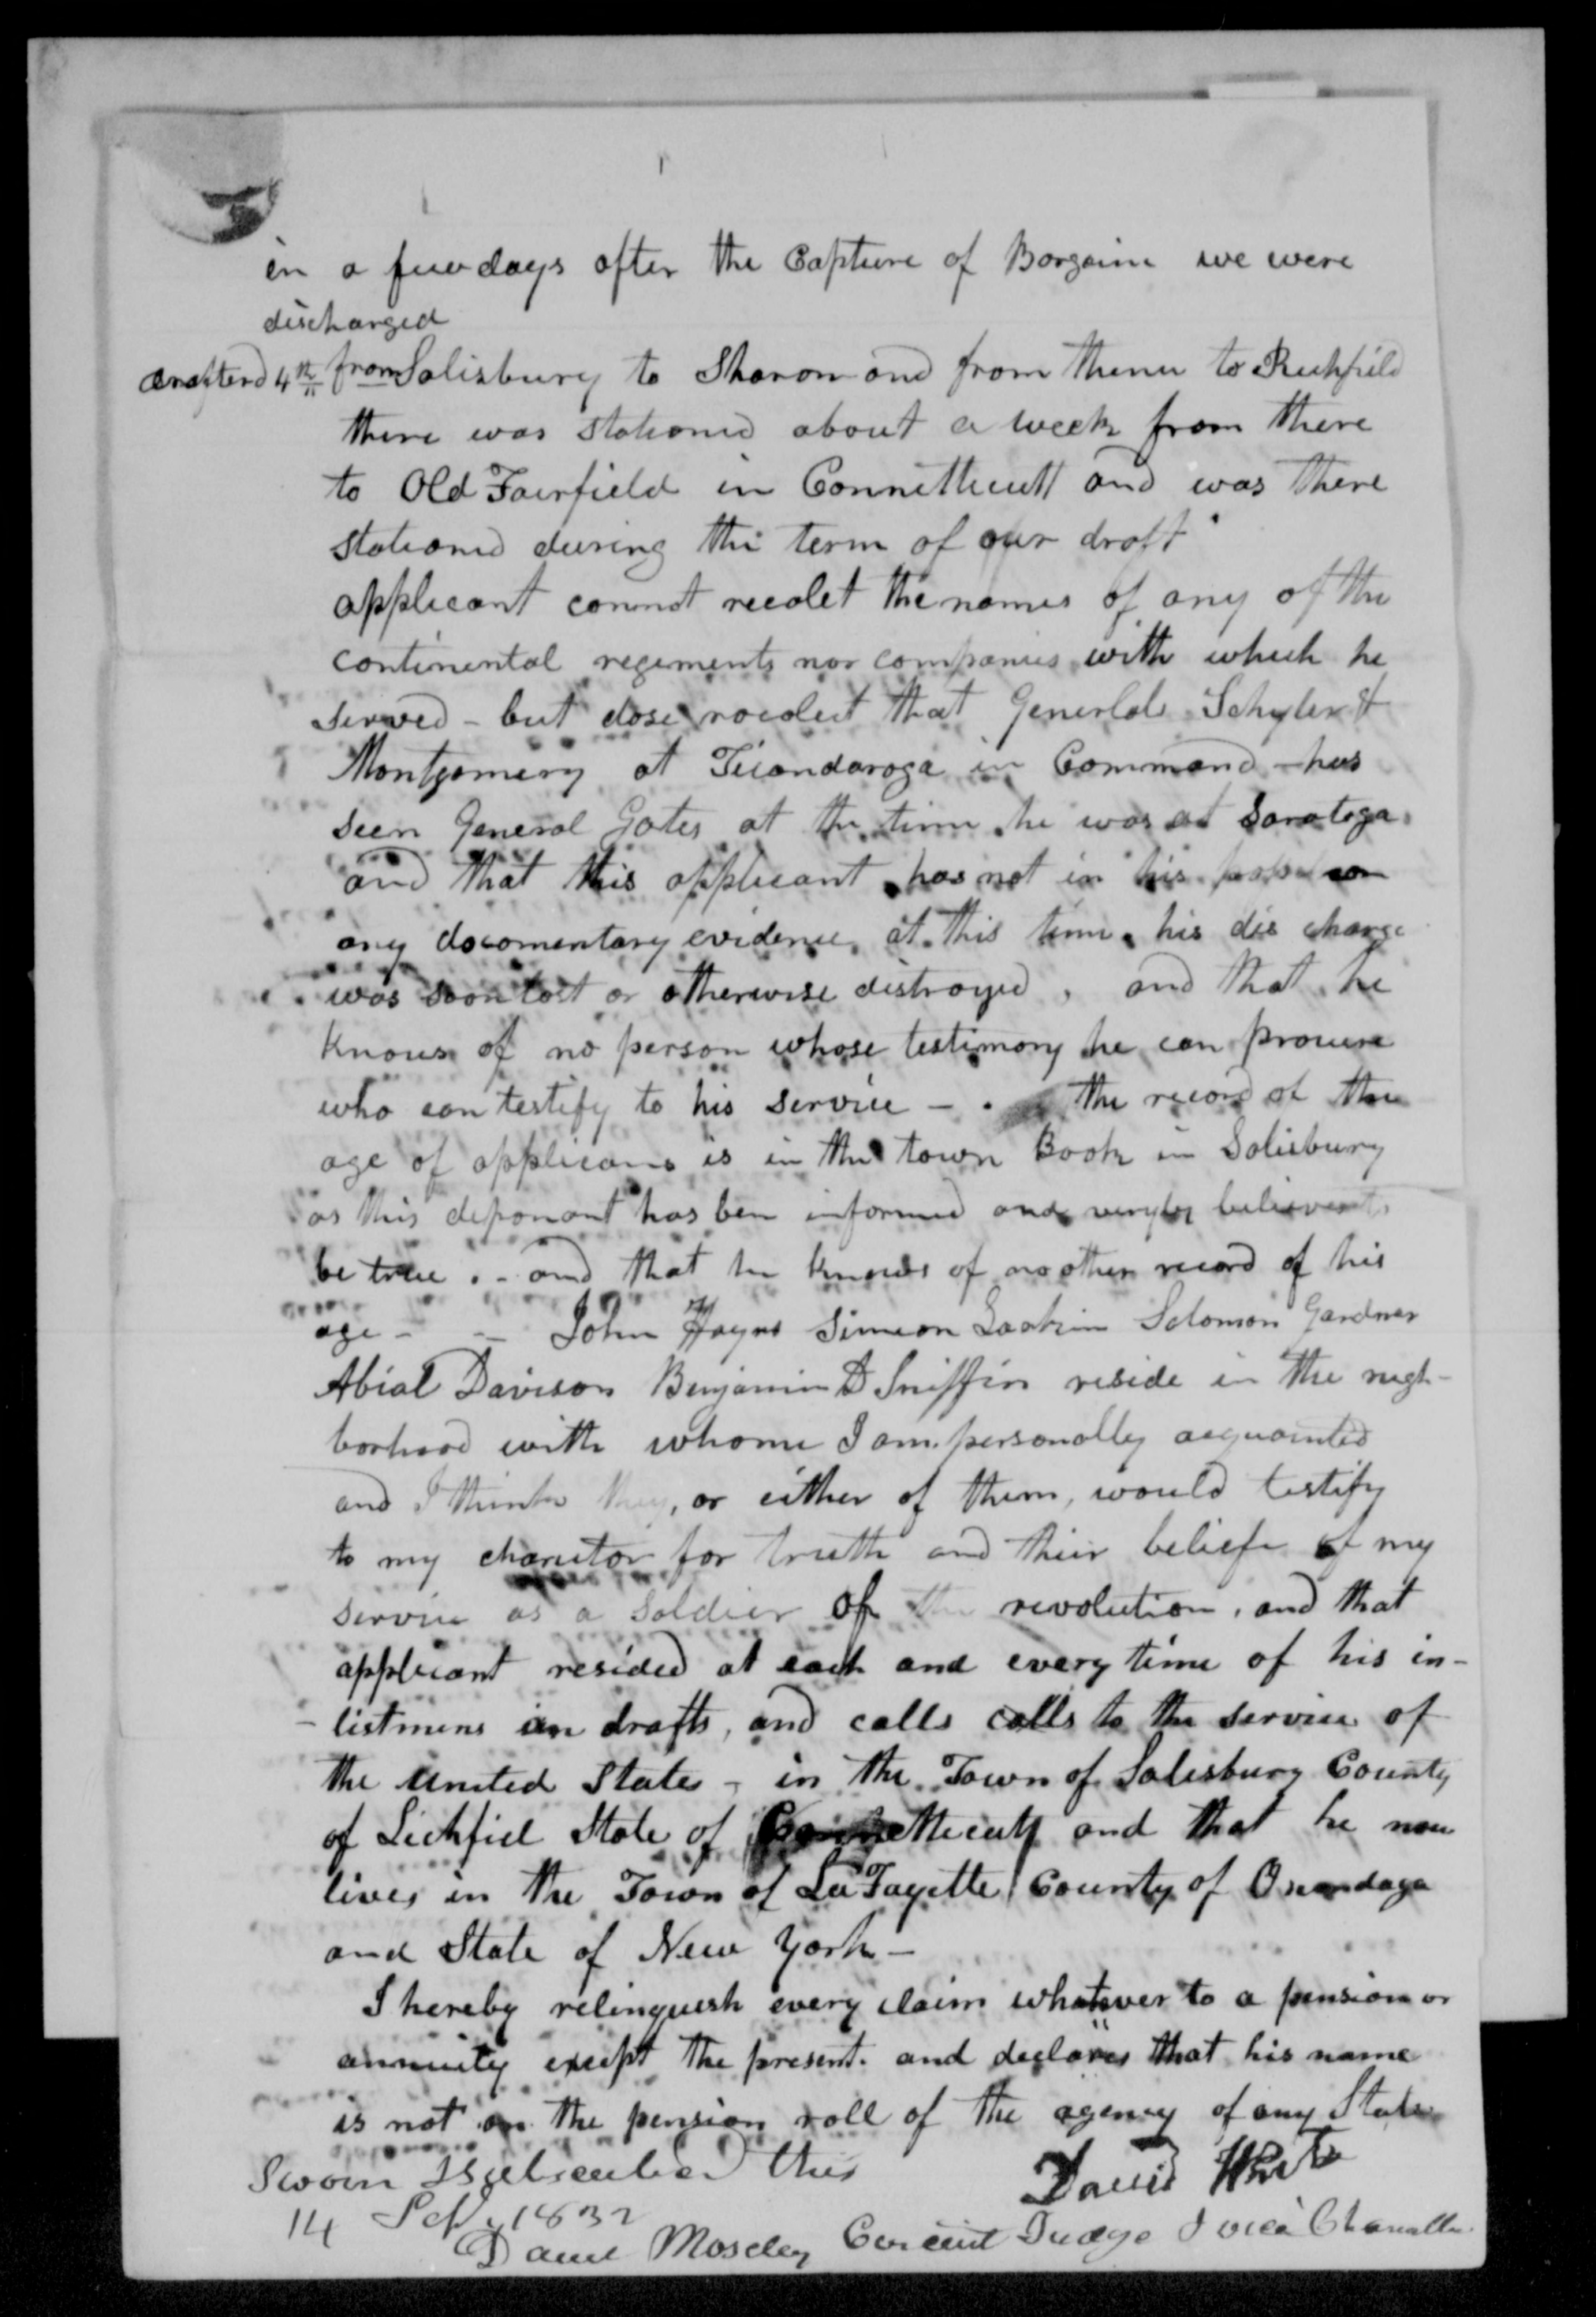in a few days after the Capture of Borguin(sic) we were discharged

Drafted 4th from Salisbury to Sharon and from thence to Richfild(sic) there was stationed about a week from there to Old Fairfield in Connettecutt(sic) and was there stationed during the term of our draft applicant cannot recolet(sic) the names of any of the Continental regiments nor companies with which he served--but dose(sic) recolect(sic) that General Schuyler & [Major General] Montgomery at Ticonderoga in Command--has seen General Gates at the time he was at Saratoga and that this applicant has not in his posseson(sic) any documentary evidence at this time his discharge was soon lost or otherwise destroyed, and that he knows of no person whose testimony he can procure who can testify to his Service. The record of the age of the applicant is in the town Book in Salisbury as this deponant has been informed and veryly(sic) believes be true and that he knows of no other record of his age. John Hayns Simeon Larkins Solomon Gardner Abial Davison Benjamin D Sniffin reside in the neighborhood with whome(sic) I am personally acquainted and I think they, or either of them, would testify to my charactor for truth and their beliefs of my  Service as a Soldier of the revolution, and that applicant resided at each and every time of his inlistmens(sic) or drafts, and calls calls(sic) to the Service of the United States -- in the Town of Salisbury County of Lichfild(sic) State of [smudged] and that he now lives in the Town of LaFayette County of Onondaga and State of New York.

I hereby relinquish every claim whatever to a pension or annuity except the present and declares(sic) that his name is not in the pension roll of the agency of any State--David White

Sworn subscriber this 14 Sep 1832 David Moseley Curcuit Judge & Vice Chancellor.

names: Benjamin D Sniffin, Simeon Larkins, John Hayns, Abial Davison, David White, David Moseley, Solomon Gardner, Gates, Schyler, Montgomery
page: 6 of 63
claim: widow's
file: W. 18403, David White, Conn.